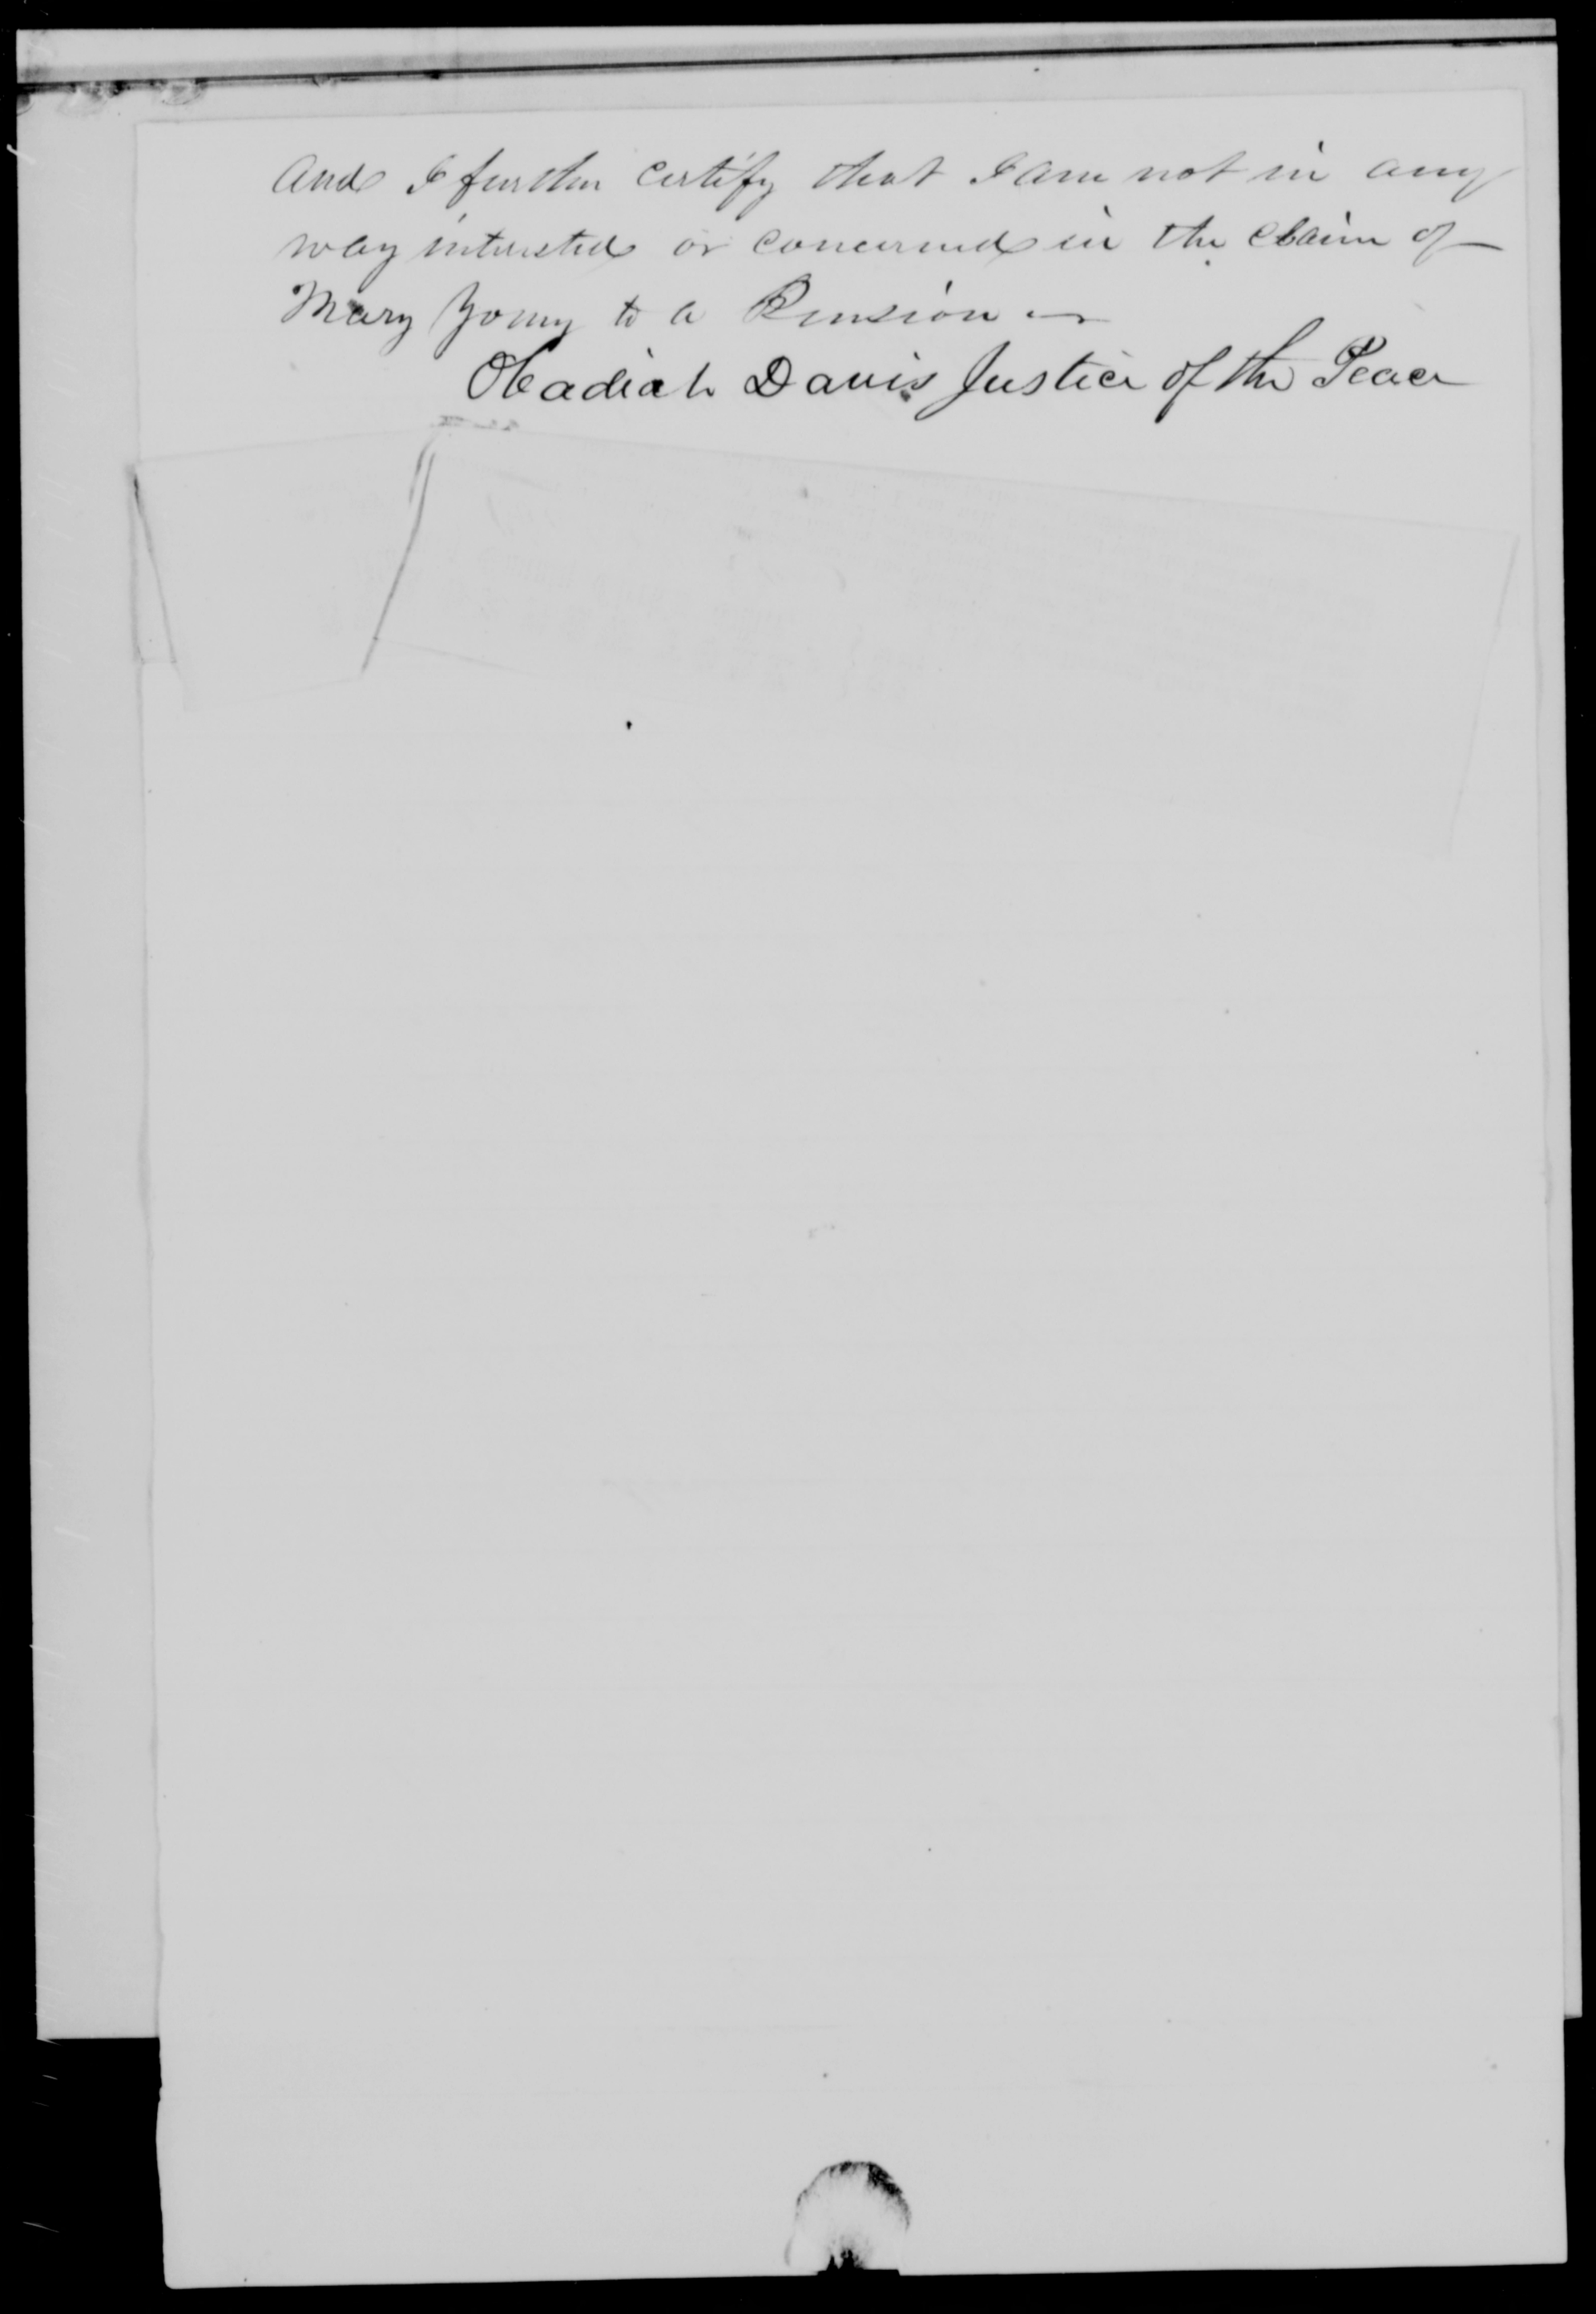and I further certify that I am not in any way interested or concerned ion the claim of Mary Young to a Pension
Obadiah Davis Justice of the Peace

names: Mary Young, Obadiah Davis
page: 20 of 67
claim: widow's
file: W. 7379, George Young, New Jersey